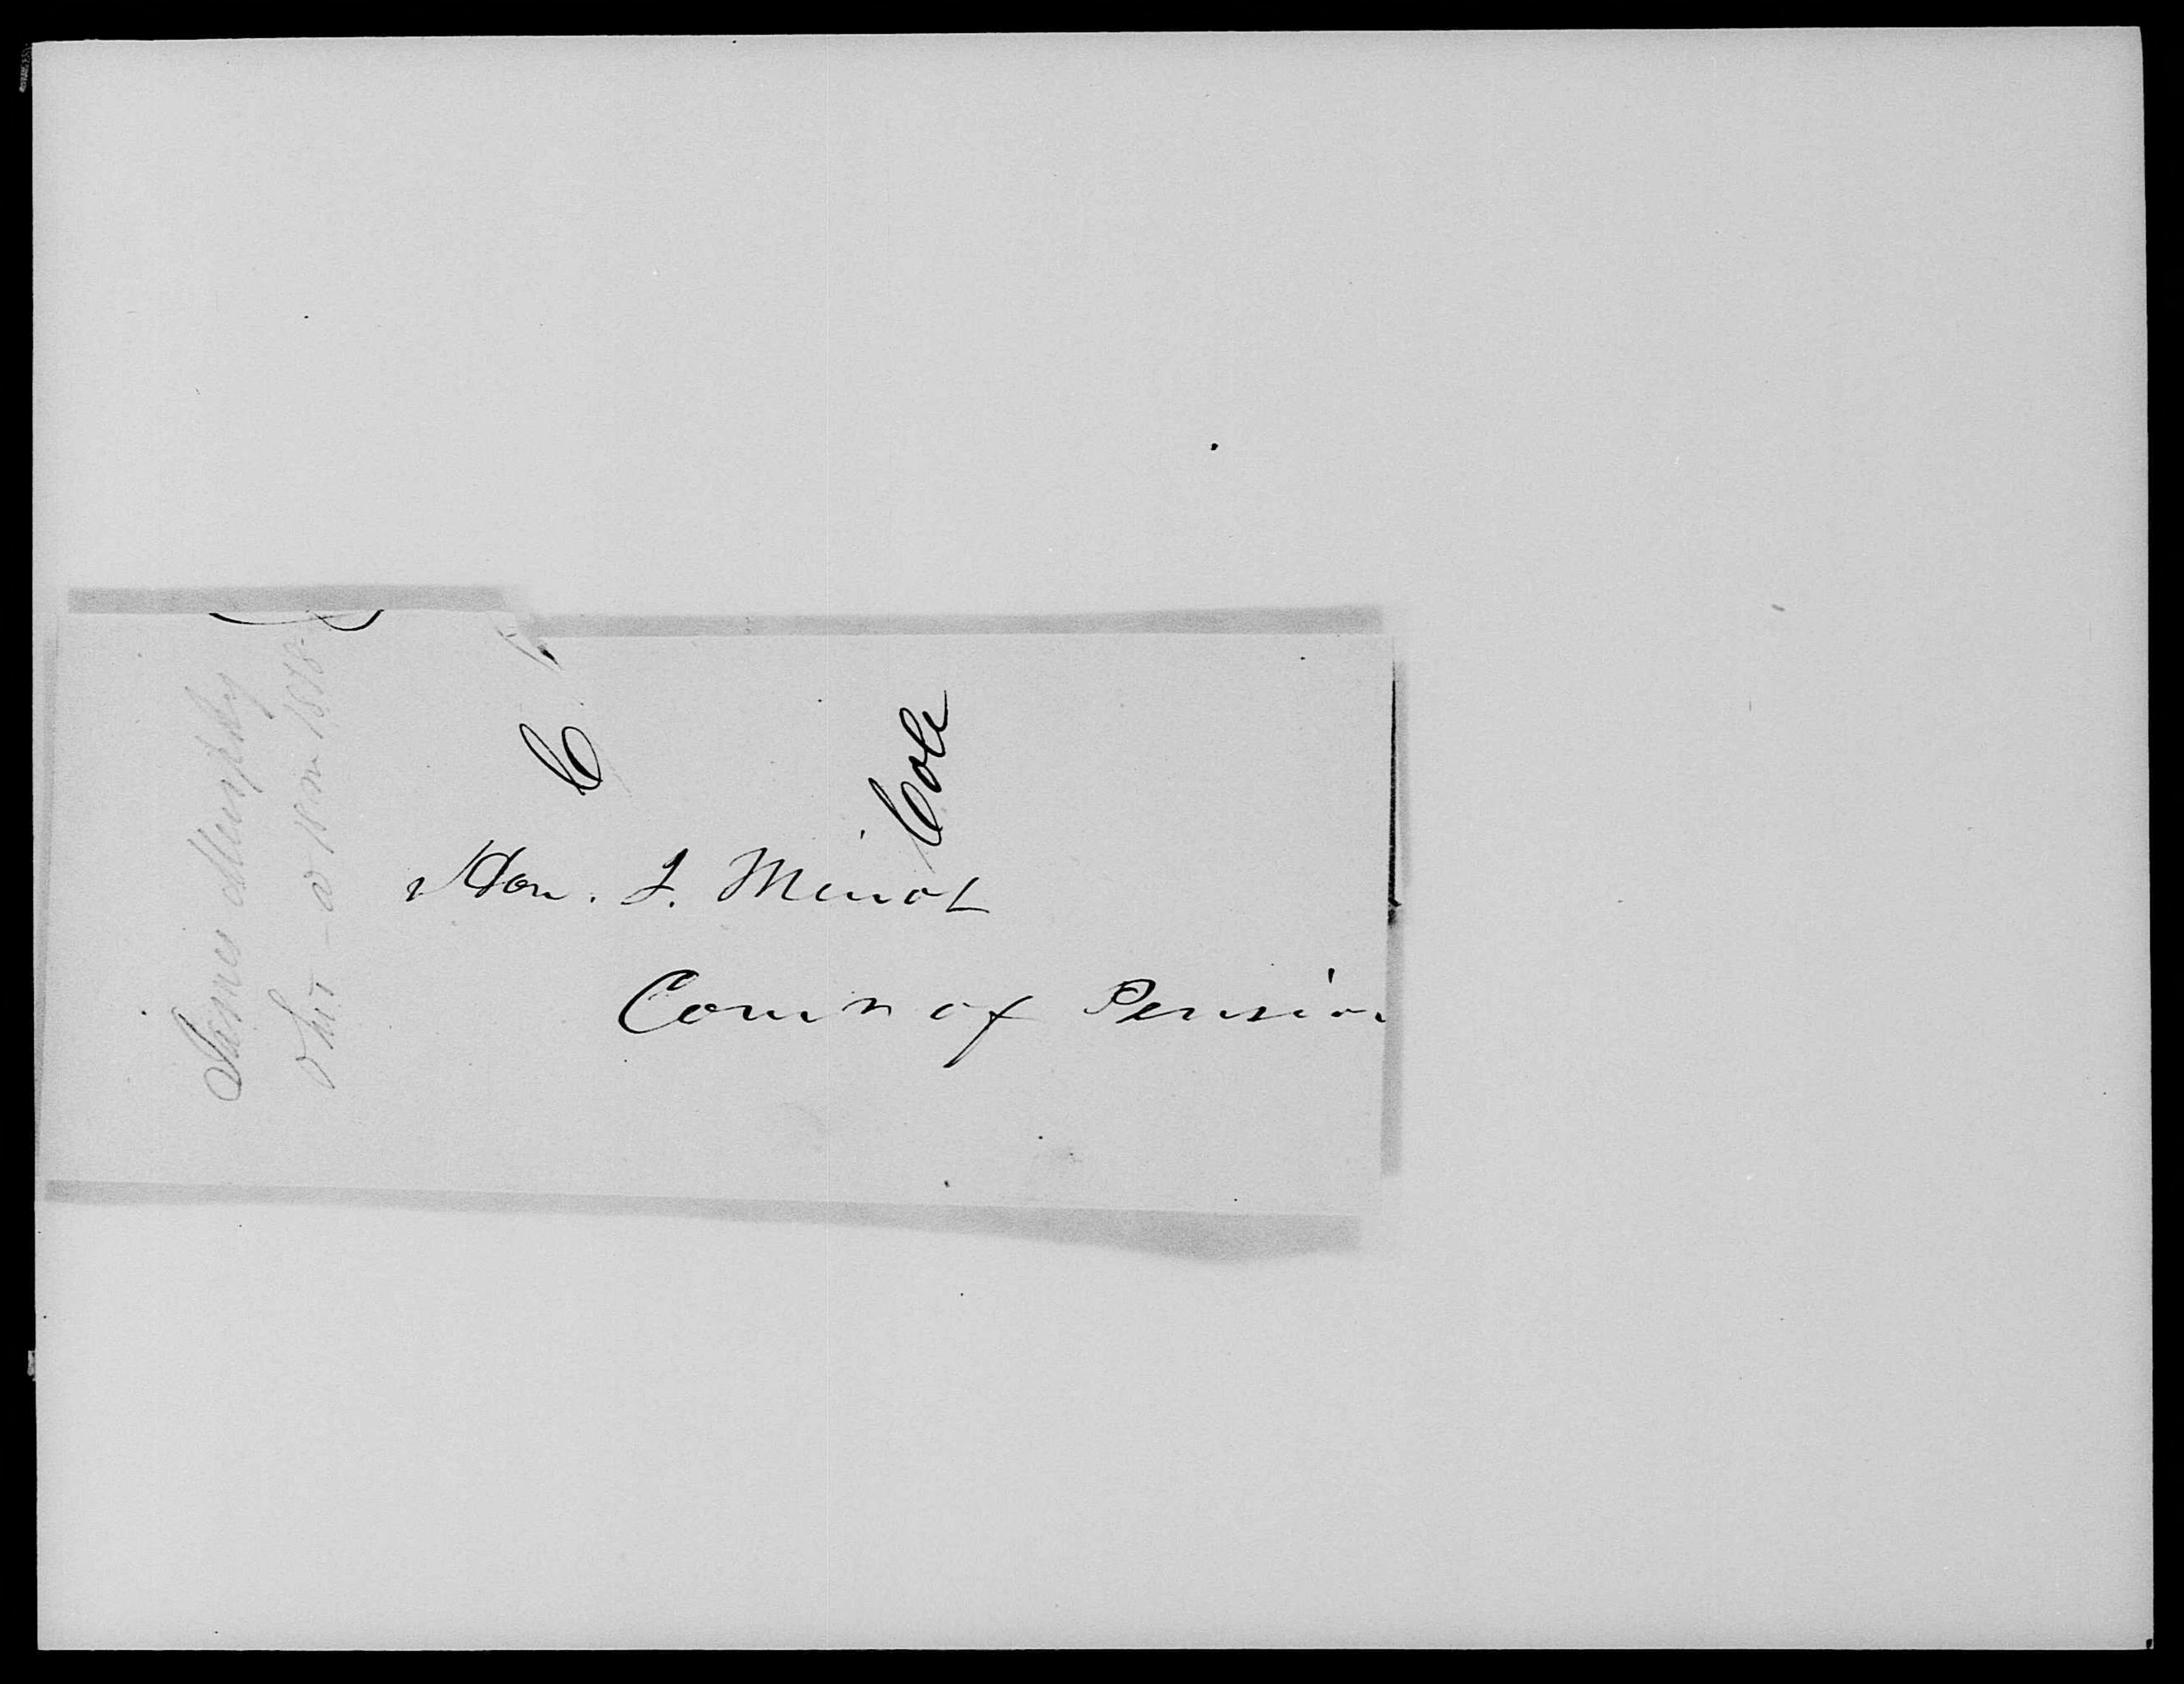James Murphy
ohio   v 18 n 1818

Hon J. Minot
Comm of Pension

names: J Minot; [BLANK] Cole; James Murphy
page: 44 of 57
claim: widow's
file: W. 25,739, for James Murphey, Pennsylvania